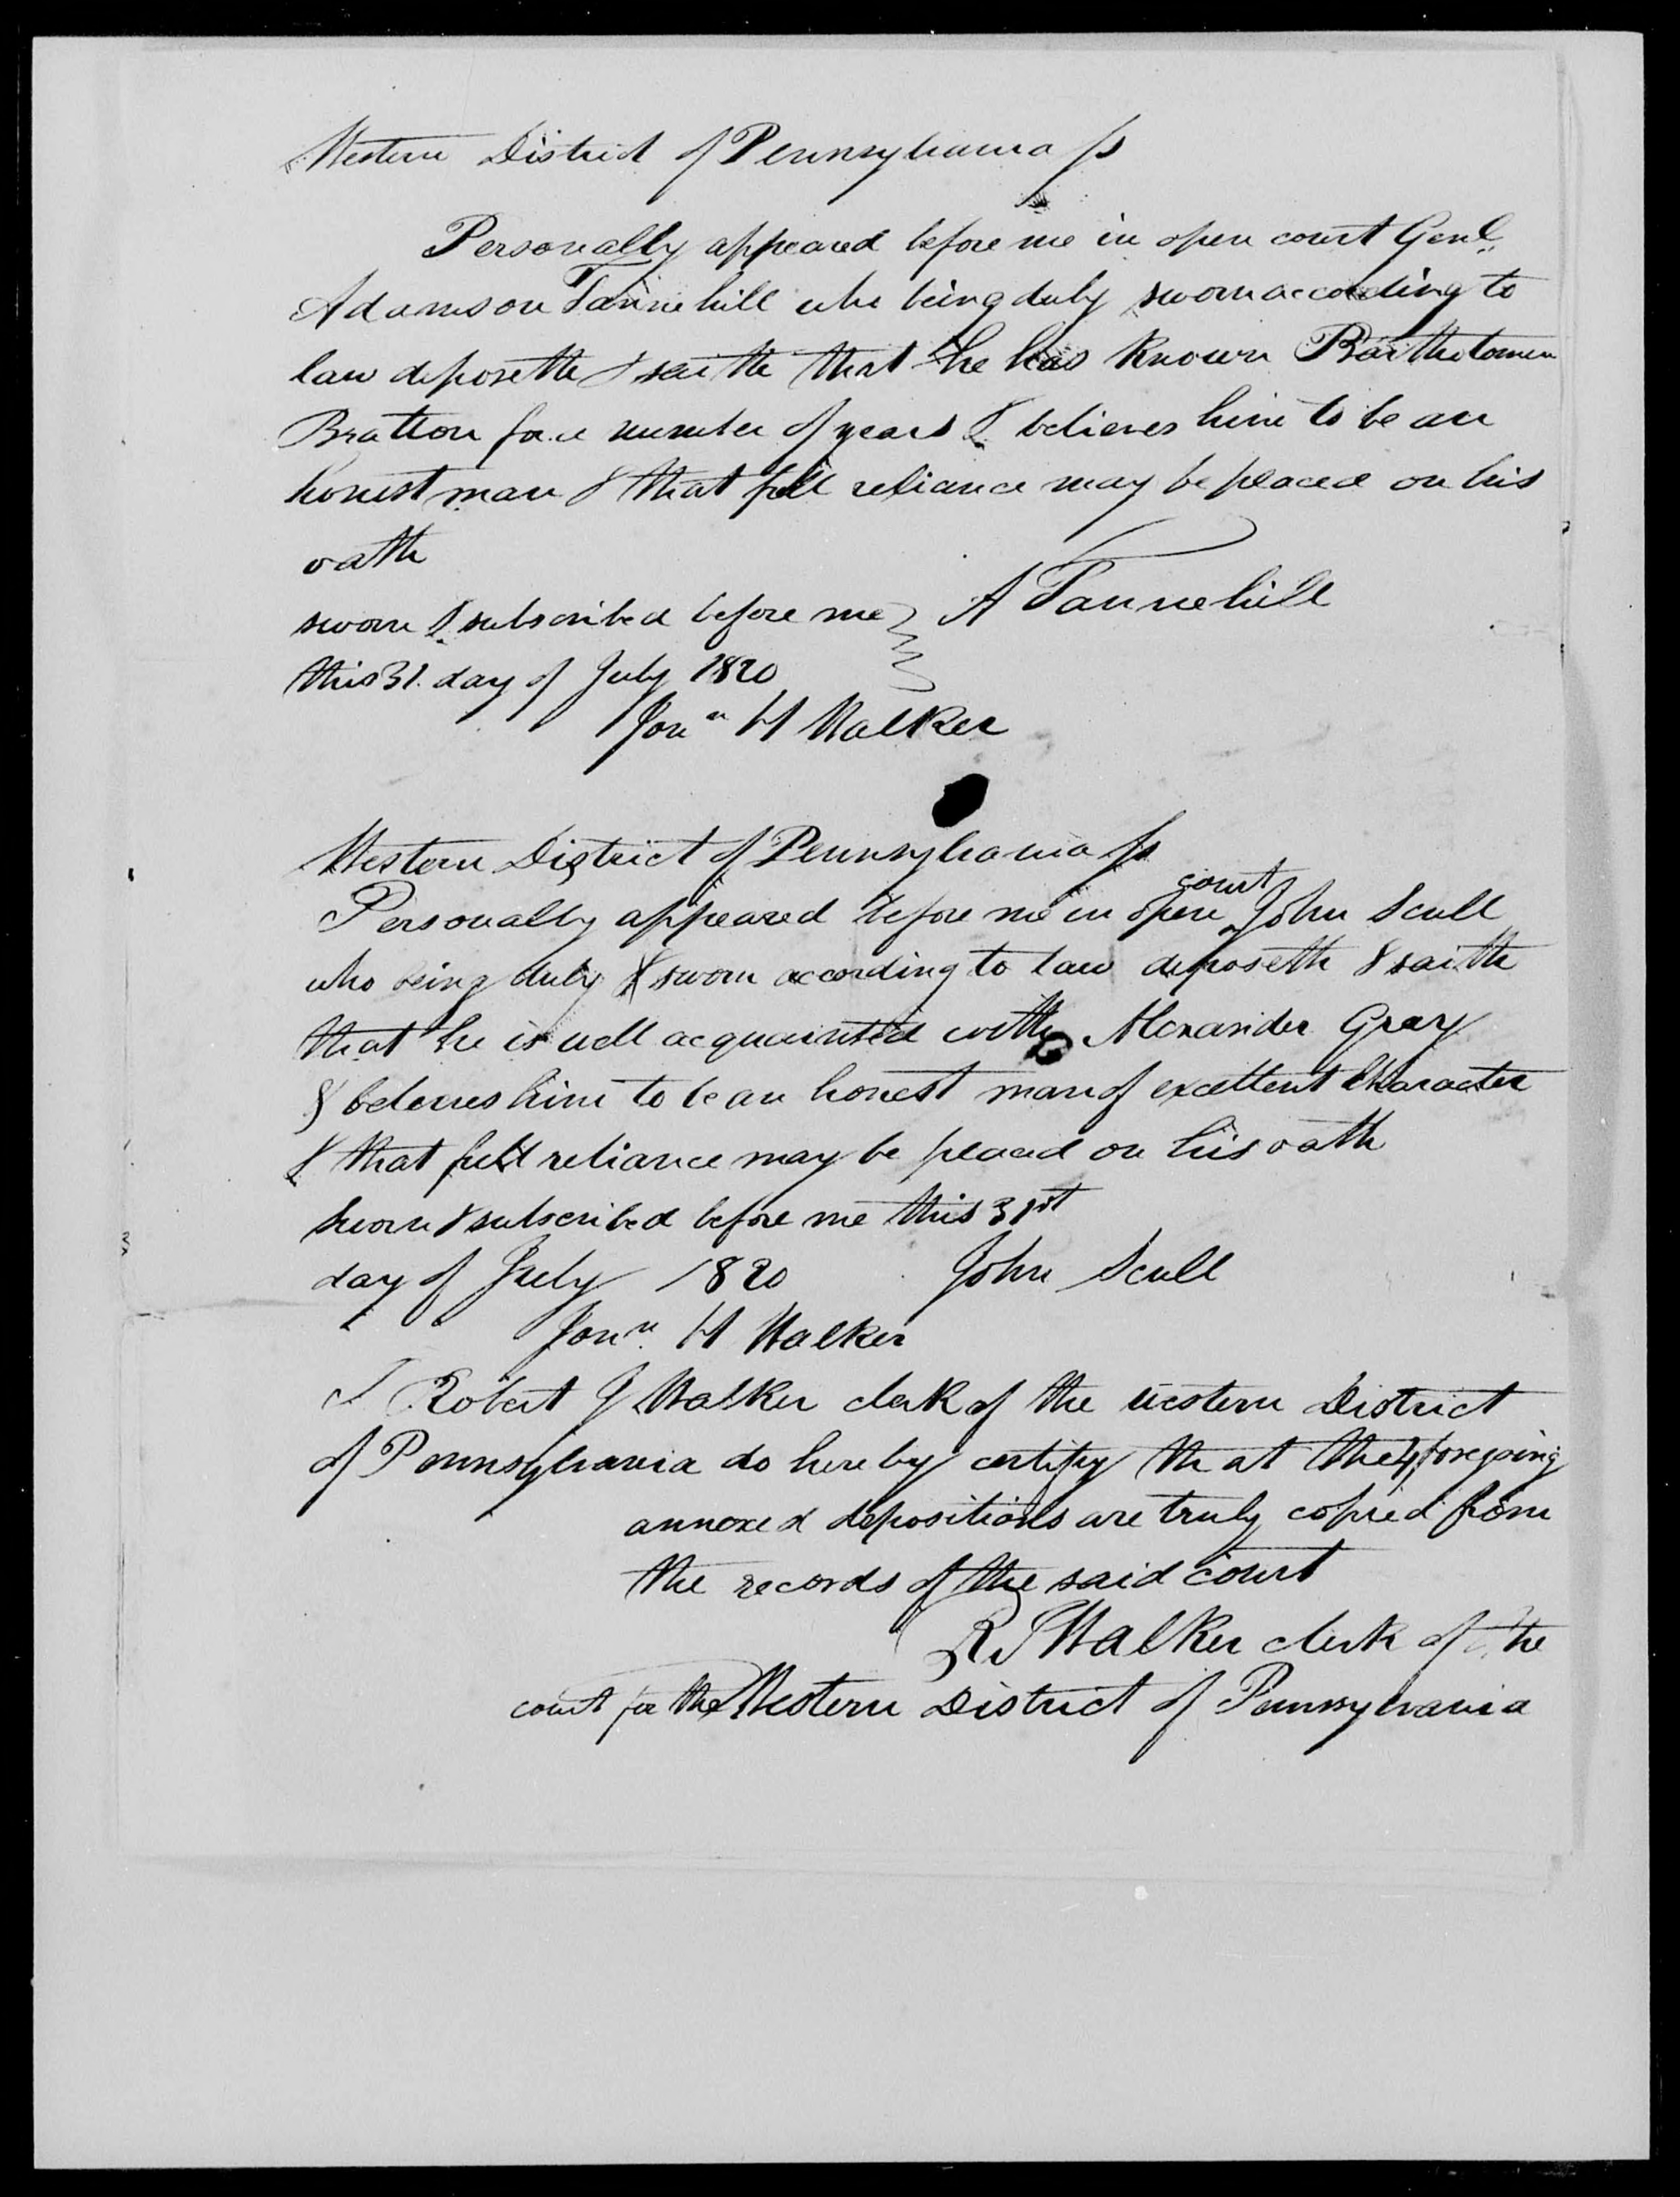Western District of Pennsylvania fs

Personally appeared before me in open court Genl [General] Adamson Tannehill who being duly sworn according to law deposeth & saith that he has known Bartholomew Bratton for a number of years & believes him to be an honest man & that full reliance may be placed on his oath

sworn & subscribed before me this 31 day of July 1820
John H Walker [signature]

A Tannehill [signature] 

Western District of Pennsylvania fs
Personally appeared before me in open court John Scull who being duly [& symbol crossed out] sworn according to law deposeth & saih that he is well acquainted with Alexander Grey & believes him to be an honest man of excellent character & that full reliance may be placed on his oath
Sworn & subscribed before me this 31st day of July 1820

John Scull [signature]
John H Walker [signature]

I Robert J Walker clerk of the western district of Pennsylvania do hereby certify that the foregoing annexed depositions are truly copied from the records of the said court
R. Walker clerk of the court for the Western District of Pennsylvania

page: 10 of 21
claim: survivor's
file: S. 40,098, for John Lorain, Pennsylvania